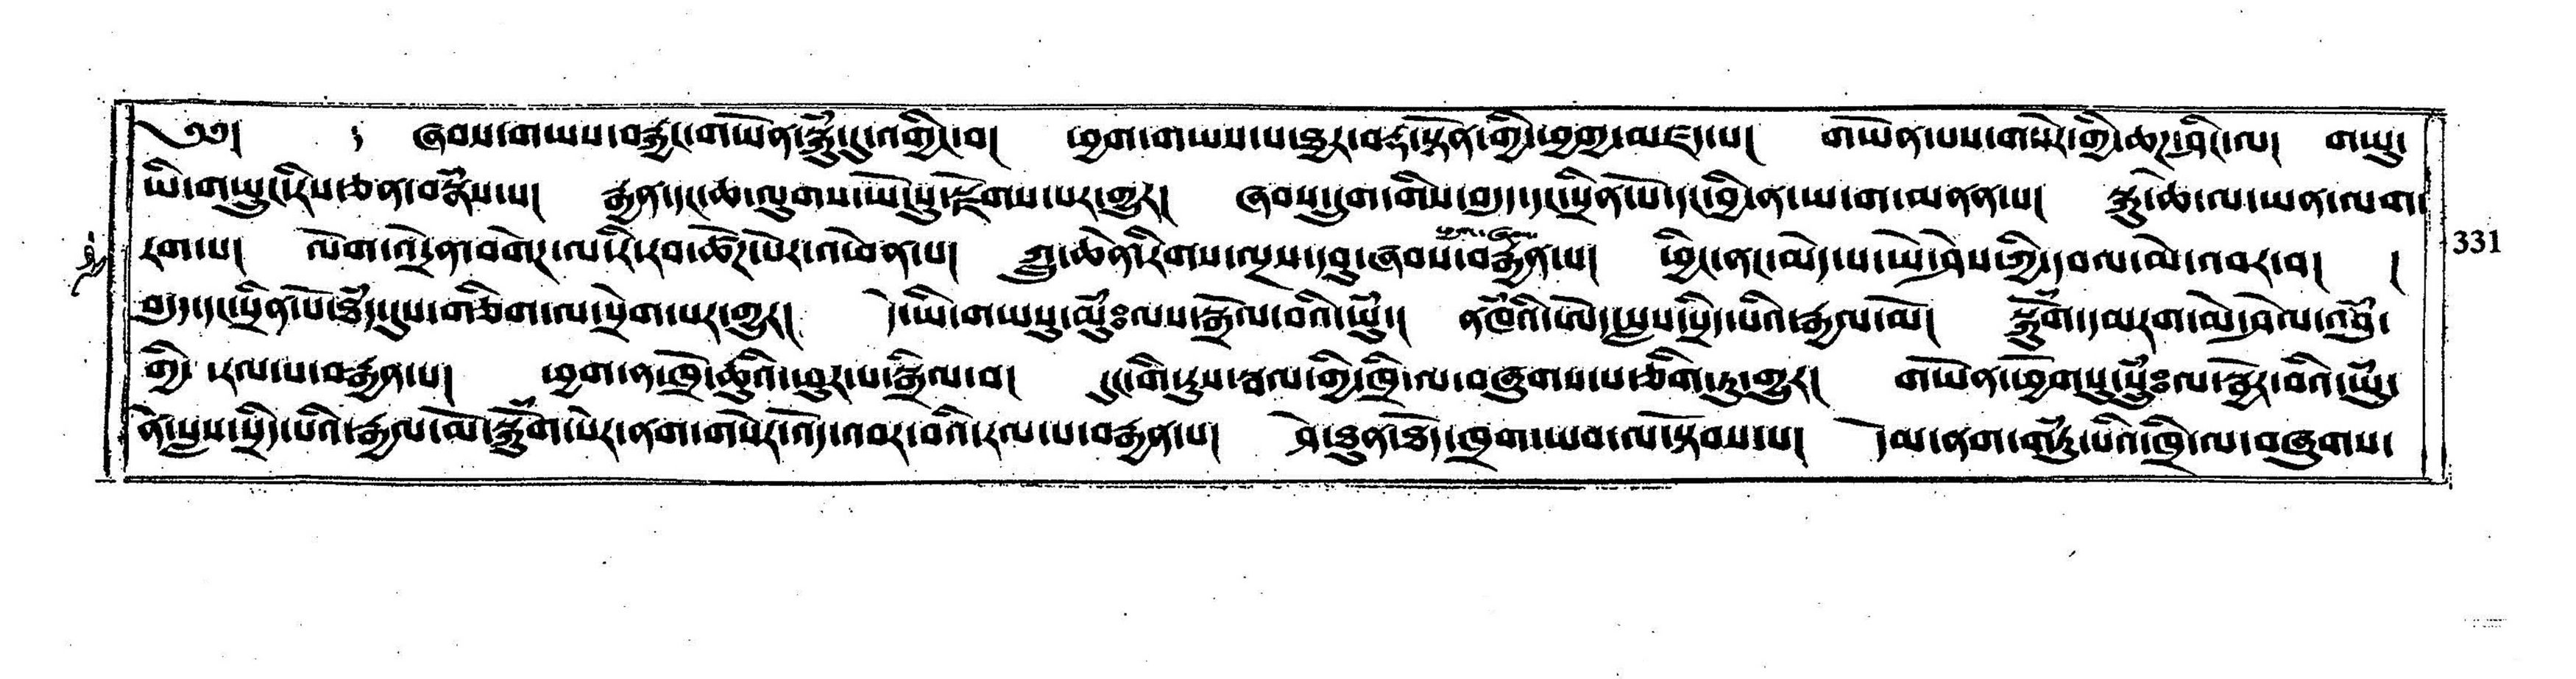ཞབས་གཡས་བརྐྱང་གཡོན་སྐུམ་དུ་འགྱིང་བ། ཕྱག་གཡས་པ་ཐུགས་ཀར་བརྡ་སྟོན་གྱི་ཕྱག་རྒྱ་མཛད་པ། གཡོན་པས་གསེར་གྱི་ཆགས་ཤིང་ལ། གཡུ་
ཡི་གཡུང་དྲུང་རིས་ཅན་བསྣམས་པ། རྒྱན་དང་ཆ་ལུགས་ཡོངས་སུ་རྫོགས་པར་གྱུར། ཞབས་དྲུག་གིས་བདུད་དང་སྲིན་པོ་དང་བྱི་ན་ཡ་ག་མནན་པ། སྐུ་ཆེ་ལ་ཡན་ལག་
རག་པ། ལོག་འདྲེན་བགེགས་ལ་རི་རབ་ཚོགས་སོར་འཕེན་པ། ཀླུ་ཆེན་རིགས་ལྔས་དབུ་ཞབས་ཕྱག་ཞབས་བརྒྱན་པ། ཕྱི་ནང་མེད་པ་ཡེ་ཤེས་ཀྱི་དབལ་མེ་འབར་བ། 
བདུད་དང་སྲིན་པོ་ཐམས་ཅད་དུས་གཅིག་ལ་སྲེག་པར་གྱུར། དེ་ཡི་གཡས་སུ་མུཾཿལས་སྒྲོལ་བའི་ཡུམ། ནམ་མཁའི་ཨོད་སླས་སྲིད་པའི་རྒྱལ་མོ། སྐུ་མདོག་དམར་ནག་མེ་ཤེལ་འབུམ་
གྱི་རལ་པ་བརྒྱན་པ། ཕྱག་ན་ཁྲོ་ཆུའི་ཕུར་པ་སྒྲིལ་བ། དུང་གི་རུས་སྦལ་གྱི་ཁྲི་ལ་བཞུགས་པ་ཅིག་ཏུ་གྱུར། གཡོན་ཕྱོགས་སུ་སྲུཾཿལ་སྦྱོར་བའི་ཡུམ་
ནེ་སླས་སྲིད་པའི་རྒྱལ་མོ་སྐུ་མདོག་སེར་ནག་གསེར་འོད་འབར་བའི་རལ་པ་བརྒྱན་པ། ཤེ་ཐུན་ཐོད་ཁྲག་ཡབ་ལ་སྟོབས་པ། དོམ་ནག་གཏུམ་པའི་ཁྲི་ལ་བཞུགས་